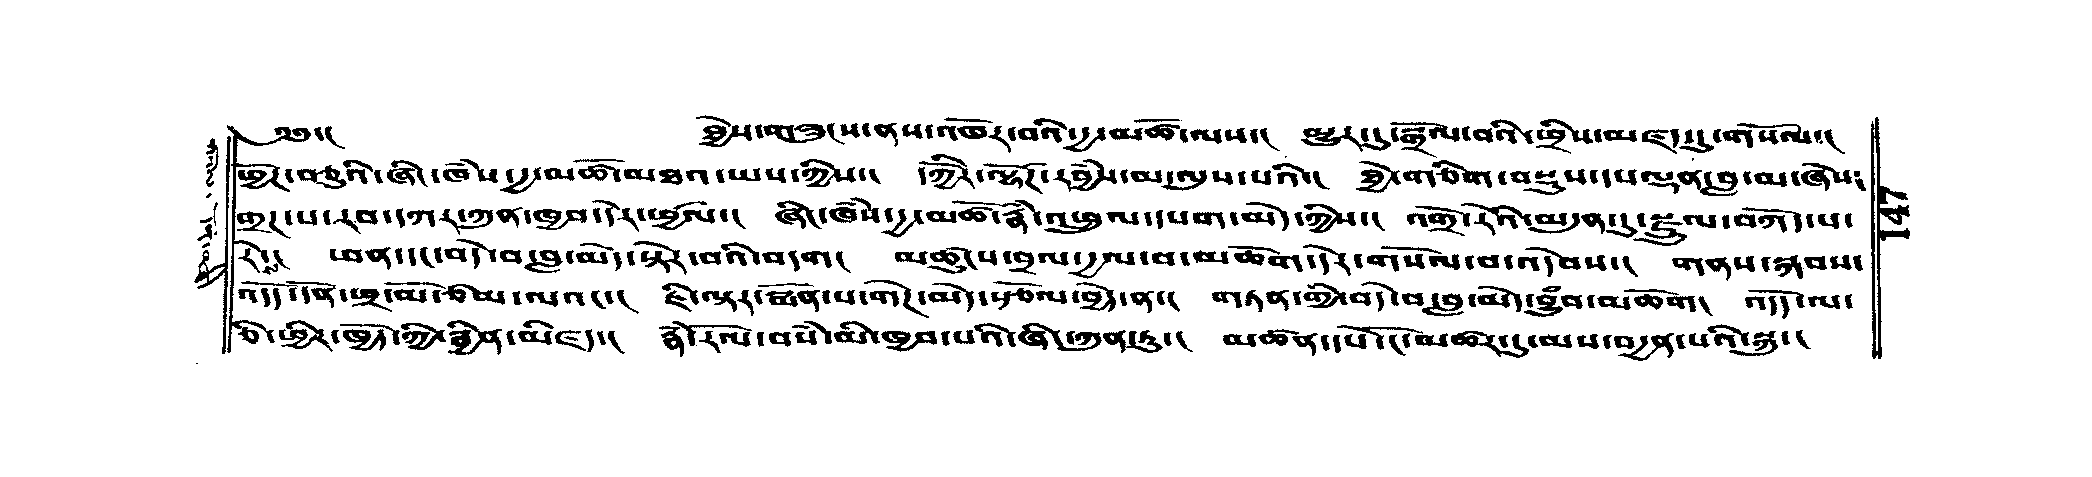།ཐུགས་རྗེས་བཟུང་ནས་འཁོར་བའི་རྒྱ་མཚོ་ལས། །མྱུར་དུ་སྒྲོལ་བའི་ཕྲིན་ལས་མཛད་དུ་གསོལ། །
ཕྱོགས་བཅུའི་ཞིང་ཁམས་རྒྱ་མཚོ་མཐའ་ཡས་ཀྱི། །དཀྱིལ་འཁོར་ལྷ་ཚོགས་རབ་འབྱམས་མ་ལུས་པའི། །ཐུགས་རྗེ་གཅིག་བསྡུས་དཔལ་ལྡན་བླ་མ་ཞེས། །
གྲགས་པ་རབ་དཀར་ཀུན་ཁྱབ་དེར་ཕྱག་འཚལ། །ཞིང་ཁམས་རྒྱ་མཚོས་རྣམ་འཕྲུལ་དཔག་མེད་ཀྱིས། །འགྲོ་རེའི་མདུན་དུ་རྫུ་འཕྲུལ་བཀོད་པ་
རེས། །ཕན་དང་བདེ་བ་བླ་མེད་སྟེར་བའི་བདག།མཚུངས་བྲལ་རྒྱལ་བ་མཆོག་དེར་གསོལ་བ་འདེབས། །གནས་སྐབས་
འདོད་དོན་ཕྲ་མོ་ཙམ་ལའང་། །ཇི་ལྟར་སྨོན་པ་གེགས་མེད་སྩོལ་བྱེད་ན། །གཏན་གྱི་བདེ་བ་བླ་མེད་བྱང་ཆུབ་མཆོག །འདོད་ལ་
ཅི་ཕྱིར་ཁྱོད་ཀྱི་སྦྱིན་མི་མཛད། །རྣམ་རོལ་བསམ་མི་ཁྱབ་པའི་ཞིང་ཀུན་ཏུ། །མཚན་དཔེ་ངོ་མཚར་དུ་མས་བརྒྱན་པའི་སྐུ།